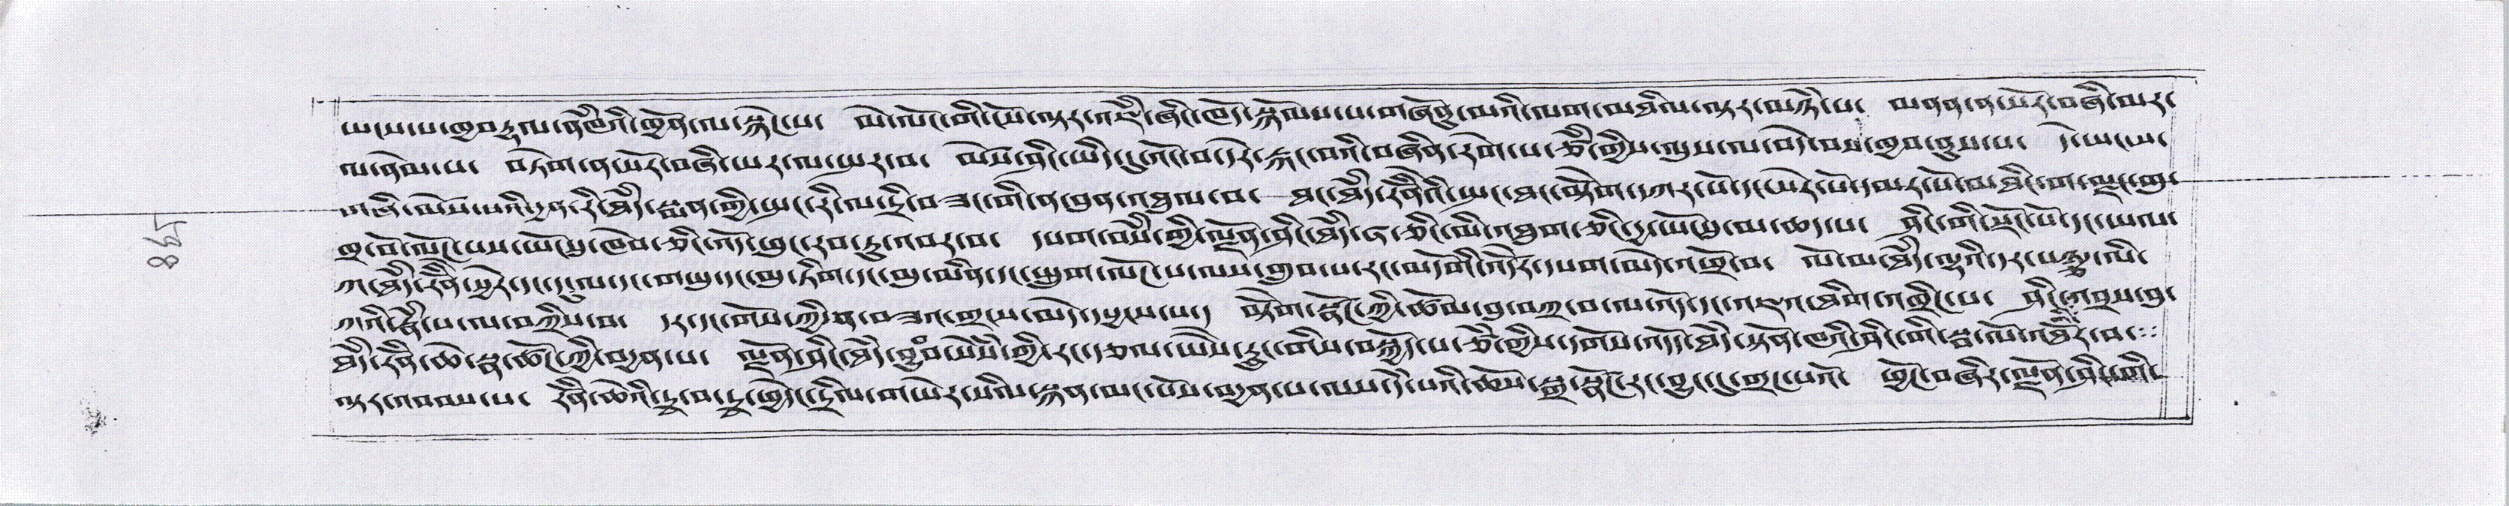ཡངས་པ་ཁྱབ་བདལ་ནམ་མཁའི་ཁྱོན་ལ་སྙེགས་པ། མེ་ལོང་གི་ངོས་ལྟར་འཇམ་ཞིང་ཁོད་སྙོམས་པ་གཞོན་ནུ་མའི་ལག་མཐིལ་ལྟར་མཉམ་པ། མནན་ན་སོར་བཞི་མར་
ལ་ནེམ་པ། བཏེག་ན་སོར་བཞི་ཡར་ལ་སྤར་བ། མཛེས་ཤིང་ཡིད་དུ་འོང་བ་དེར་རྐང་བའི་བཞིན་རེག་པ་ཙམ་གྱིས་ལུས་ལ་བདེ་བས་ཁྱབ་ནུས་པ། དེ་ཡང་ས་
གཞི་མཛེས་པའི་རྒྱན་རི་ཐམས་ཅད་སྨན་གྱི་སྤང་རི་ལ་དྲི་བཟང་གི་ན་བུན་འཐུལ་བ། ཐང་ཐམས་ཅད་རིན་པོ་ཆེའི་སྤང་ཐང་མེ་ཏོག་དཀར་པོ་དང་སེར་པོ་དམར་པོ་མཐིང་ག་ལྗང་གུ་
ཁྲ་བོ་ལ་སོགས་པས་ཡོངས་སུ་ཁེབ་ཅིང་འོད་ཕུང་རབ་ཏུ་འབར་བ། དཔག་བསམ་གྱི་ལྗོན་ཤིང་ཐམས་ཅད་ཧ་ཅང་མི་མཐུག་ཅིང་རྒྱ་ཡོངས་སུ་མ་ཆད་པ། ཤིང་གི་སྡོང་པོ་དང་ཡལ་
ག་ཐམས་ཅད་རིན་པོ་ཆེ་གསེར་དང་དངུལ་དང་གཡུ་དང་མུ་ཏིག་དང་མུ་མེན་དང་སྤུག་ལ་སོགས་པ་ལས་གྲུབ་པ་རང་མདོག་གི་འོད་ཟེར་དཔག་མེད་འཕྲོ་བ། ལོ་མ་ཐམས་ཅད་ལྷ་ཡི་དར་པཉྩ་ལི་
ཀའི་རྣམ་པ་ལ་བཀྲིས་པ། དར་དང་གོས་ཀྱི་ན་བཟའ་གྲངས་མེད་དཔྱངས་པ། མེ་ཏོག་སྣ་ཚོགས་ཀྱི་ཚོམ་བུ་བཀྲ་བ་ལ་འོད་དང་འཇའ་ཐིག་འཁྲིགས་པ། ཤིང་གི་འབྲས་བུ་
ཐམས་ཅད་རིན་པོ་ཆེ་སྣ་ཚོགས་ཀྱིས་བརྒྱན་པ། ལྗོན་ཤིང་ཐམས་ཅད་བྱང་ཆུབ་སེམས་ཀྱི་རང་རྩལ་ཡེ་ཤེས་རླུང་གིས་བསྐྱོད་པ་ཙམ་གྱིས་དགོས་འདོད་ཐམས་ཅད་སྟོན་ཁའི་ཤིང་སྦ་ལོ་འཐོར་བ་
ལྟར་འབབས་པ། རིན་པོ་ཆེའི་དྲྭ་བ་དྲྭ་ཕྱེད་དང་དྲིལ་གཡེར་སིལ་སྙན་མང་པོས་བརྒྱན་པ་ལས་དམ་པའི་ཆོས་སྒྲ་སྣ་ཚོགས་རང་བྱུང་དུ་གྲགས་པའོ། ཕྱོགས་བཞིར་ལྗོན་ཤིང་གི་